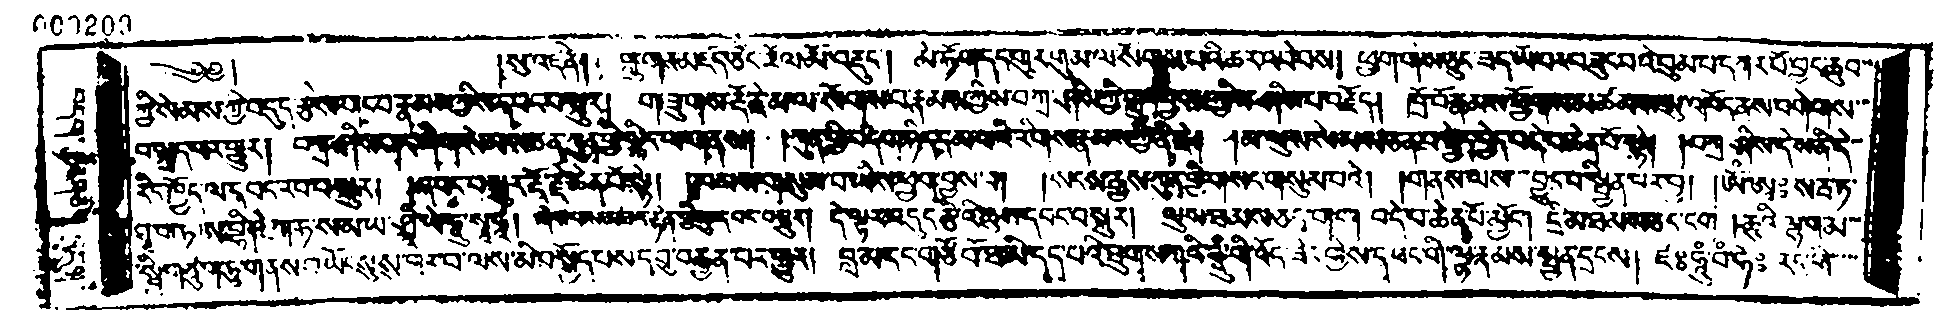༄༅། །སུ་འཛིན། གླུ་གར་མཛད་ཅིང་རོལ་མོ་བརྡུང་། མེ་ཏོག་དང་གུར་གུམ་ལ་སོགས་པའི་ཆར་འབེབས། ཕྱག་གིས་ཅུང་ཟད་ཡོ་བར་བཟུང་བའི་བུམ་པ་དཀར་པོ་བྱང་ཆུབ་
ཀྱི་སེམས་ཀྱི་བདུད་རྩིས་གང་བ་རྣམས་ཀྱིས་དབང་བསྐུར། གཟུགས་རྡོ་རྗེ་མ་ལ་སོགས་པ་རྣམས་ཀྱིས་བཀྲ་ཤིས་ཀྱི་གླུ་དབྱངས་ཀྱིས་ཤིས་པ་བརྗོད། ཁྲོ་བོ་རྣམས་ཕྱོགས་མཚམས་སུ་འཁོད་ནས་བགེགས་
བསྐྲད་པར་གྱུར། བཀྲ་ཤིས་གང་ཞིག་སེམས་ཅན་ཀུན་གྱི་སྙིང་ལ་གནས། །ཀུན་གྱི་བདག་ཉིད་དམ་པའི་རིགས་རྣམས་ཀྱི་ནི་རྗེ། །མ་ལུས་སེམས་ཅན་བསྐྱེད་བྱེད་བདེ་བ་ཆེན་པོ་སྟེ། །བཀྲ་ཤིས་དེས་ནི་དེ་
རིང་ཁྱོད་ལ་དབང་རབ་བསྐུར། །དབང་བསྐུར་རྡོ་རྗེ་ཆེན་པོ་སྟེ། །ཁམས་གསུམ་པ་ཡིས་ཕྱག་བྱས་པ། །སངས་རྒྱས་ཀུན་གྱི་གསང་གསུམ་པའི། །གནས་ལས་བྱུང་བ་སྦྱིན་པར་བྱ། །ཨོཾ་ཨཱཿ སརྦ་ཏ་
ཐཱ་ག་ཏ་ཨ་བྷི་ཥེ་ཀ་ཏ་ས་མ་ཡ་ཤྲཱི་ཡེ་ཧཱུཾ་སྭཱ་ཧཱ། ཞེས་པས་མཐའ་རྟེན་གྱི་ཆུ་དབང་བསྐུར། དེ་ལྟར་བདུད་རྩིའི་ཆུས་དབང་བསྐུར། ལུས་ཐམས་ཅད་གང་། བདེ་བ་ཆེན་པོ་མྱོང་། དྲི་མ་ཐམས་ཅད་དག །ཆུའི་ལྷག་མ་
སྤྱི་གཙུག་ཏུ་གནས་པ་ཡོང་སུ་གྱུར་བ་ལས་མི་བསྐྱོད་པས་དབུ་བརྒྱན་པར་གྱུར། བླ་མ་དང་གཙོ་བོ་ཐ་མི་དད་པའི་ཐུགས་ཀའི་ཧཱུཾ་གི་འོད་ཟེར་གྱིས་དབང་གི་ལྷ་རྣམས་སྤྱན་དྲངས། ཛཿ ཧཱུཾ་བཾ་ཧོཿ རང་གི་